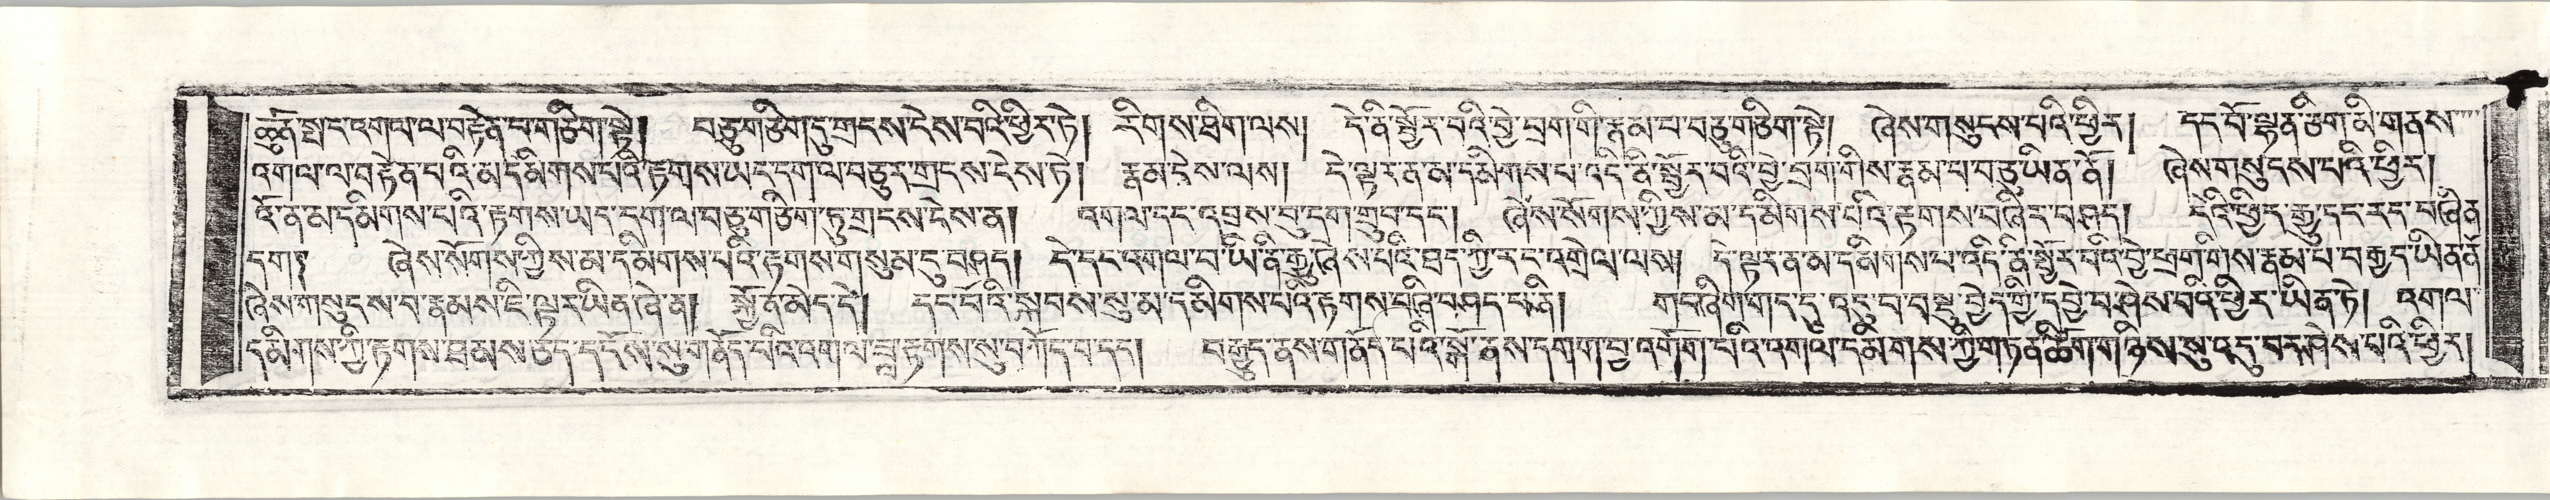ཚུན་སྤང་འགལ་ལ་བརྟེན་པ་གཅིག་སྟེ། བཅུ་གཅིག་དུ་གྲངས་ངེས་པའི་ཕྱིར་ཏེ། རིགས་ཐིག་ལས། དེ་ནི་སྦྱོར་བའི་བྱེ་བྲག་གི་རྣམ་པ་བཅུ་གཅིག་སྟེ། ཞེས་གསུངས་པའི་ཕྱིར། དང་པོ་ལྷན་ཅིག་མི་གནས་
འགལ་ལ་བརྟེན་པའི་མ་དམིགས་པའི་རྟགས་ཡང་དག་ལ་བཅུར་གྲངས་ངེས་ཏེ། རྣམ་ངེས་ལས། དེ་ལྟ་ན་མ་དམིགས་པ་འདི་ནི་སྦྱོར་བའི་བྱེ་བྲག་གིས་རྣམ་པ་བཅུ་ཡིན་ནོ། ཞེས་གསུངས་པའི་ཕྱིར།
འོ་ན་མ་དམིགས་པའི་རྟགས་ཡང་དག་ལ་བཅུ་གཅིག་ཏུ་གྲངས་ངེས་ན། འགལ་དང་འབྲས་བུ་དག་གྲུབ་དང་། ཞེས་སོགས་ཀྱིས་མ་དམིགས་པའི་རྟགས་བཞིར་བཤད། དེའི་ཕྱིར་རྒྱུ་དང་རང་བཞིན་
དག། ཞེས་སོགས་ཀྱིས་མ་དམིགས་པའི་རྟགས་གསུམ་དུ་བཤད། དེ་དང་འགལ་བ་ཡི་ནི་རྒྱུ་ཞེས་པའི་ཐད་ཀྱི་རང་འགྲེལ་ལས། དེ་ལྟར་ན་མ་དམིགས་པ་འདི་ནི་སྦྱོར་བའི་བྱེ་བྲག་གིས་རྣམ་པ་བརྒྱད་ཡིན་ནོ་
ཞེས་གསུངས་པ་རྣམས་ཇི་ལྟར་ཡིན་ཞེ་ན། སྐྱོན་མེད་དེ། དང་བོའི་སྐབས་སུ་མ་དམིགས་པའི་རྟགས་བཞི་བཤད་པ་ནི། གང་ཞིག་གང་དུ་འདུ་བ་བསྡུ་བྱེད་གྱི་དབྱེ་བ་ཤེས་པའི་ཕྱིར་ཡིན་ཏེ། འགལ་
དམིགས་ཀྱི་རྟགས་ཐམས་ཅད་དངོས་སུ་གནོད་པའི་འགལ་ཟླ་རྟགས་སུ་བཀོད་པ་དང་། བརྒྱུད་ནས་གནོད་པའི་སྒོ་ནས་དགག་བྱ་འགོག་པའི་འགལ་དམིགས་ཀྱི་གཏན་ཚིགས་གཉིས་སུ་འདུ་བར་ཤེས་པའི་ཕྱིར།